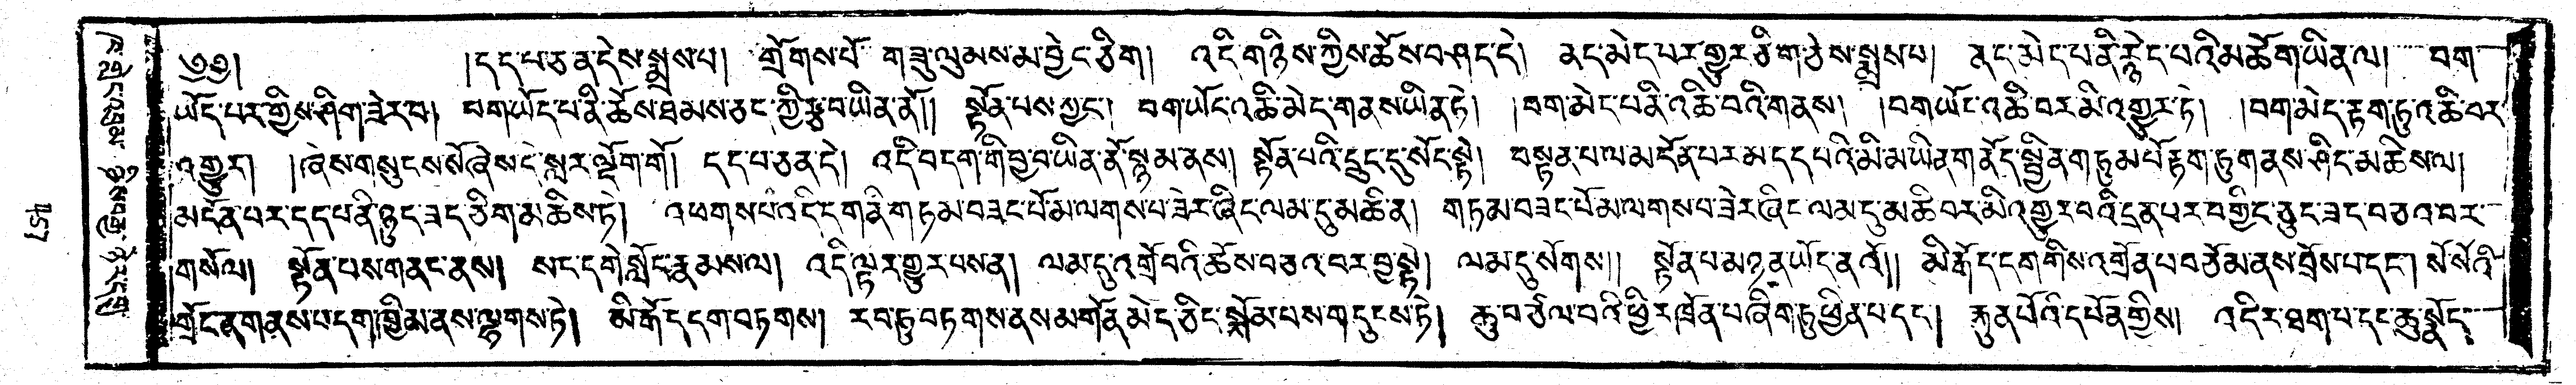༄༅། །དད་པ་ཅན་དེས་སྨྲས་པ། གྲོགས་པོ་གཟུ་ལུམས་མ་བྱེད་ཅིག། འདི་གཉིས་ཀྱིས་ཆོས་བཤད་དེ། ནད་མེད་པར་གྱུར་ཅིག་ཅེས་སྨྲས་པ། ནད་མེད་པ་ནི་རྙེད་པའི་མཆོག་ཡིན་ལ། བག་
ཡོད་པར་གྱིས་ཤིག་ཟེར་བ། བག་ཡོད་པ་ནི་ཆོས་ཐམས་ཅད་ཀྱི་རྩ་བ་ཡིན་ནོ།། སྟོན་པས་ཀྱང་། བག་ཡོད་འཆི་མེད་གནས་ཡིན་ཏེ། །བདག་མེད་པ་ནི་འཆི་བའི་གནས། །བག་ཡོད་འཆི་བར་མི་འགྱུར་ཏེ། །བག་མེད་རྟག་ཏུ་འཆི་བར་
འགྱུར། །ཞེས་གསུངས་སོ་ཞེས་དེ་སླར་ལྡོག་གོ། དད་པ་ཅན་དེ། འདི་བདག་གི་བྱ་བ་ཡིན་ནོ་སྙམ་ནས། སྟོན་པའི་དྲུང་དུ་སོང་སྟེ། བསྟན་པ་ལ་མངོན་པར་མ་དད་པའི་མི་མ་ཡིན་གནོད་སྦྱིན་གཏུམ་པོ་རྟག་ཏུ་གནས་ཤིང་མཆིས་ལ།
མངོན་པར་དད་པ་ནི་ཉུད་ཟད་ཅིག་མཆིས་ཏེ། འཕགས་པ་འདི་དག་ནི་གཏམ་བཟང་པོ་མ་ལགས་པ་ཟེར་ཞིང་ལམ་དུ་མཆི་ན། གཏམ་བཟང་པོ་མ་ལགས་བ་ཟེར་ཞིང་ལམ་དུ་མཆི་བར་མི་འགྱུར་བའི་དྲན་པར་བགྱིང་ཅུང་ཟད་བཅའ་བར་
གསོལ། སྟོན་པས་གནང་ནས། སང་དགེ་སློང་རྣམས་ལ། འདི་ལྟར་གྱུར་པས་ན། ལམ་དུ་འགྲོ་བའི་ཆོས་བཅའ་བར་བྱ་སྟེ། ལམ་དུ་སོགས།། སྟོན་པ་མཉན་ཡོད་ནའོ།། མི་རྒོད་དག་གིས་འགྲོན་པ་བཅོམ་ནས་བྲོས་པ་དང་། སོ་སོའི་
གྲོང་ན་གནས་པ་དག་ཁྱིམ་ནས་ལྷགས་ཏེ། མི་རྒོད་དག་བཏགས། རབ་ཏུ་བཏགས་ནས་མགོན་མེད་ཅིང་སྐོམ་པས་གདུངས་ཏེ། ཆུ་བཙལ་བའི་ཕྱིར་ཁྲོན་པ་ཞིག་ཏུ་ཕྱིན་པ་དང་། རྐུན་པོའི་དཔོན་གྱིས། འདིར་ཐག་པ་དང་ཆུ་སྣོད་